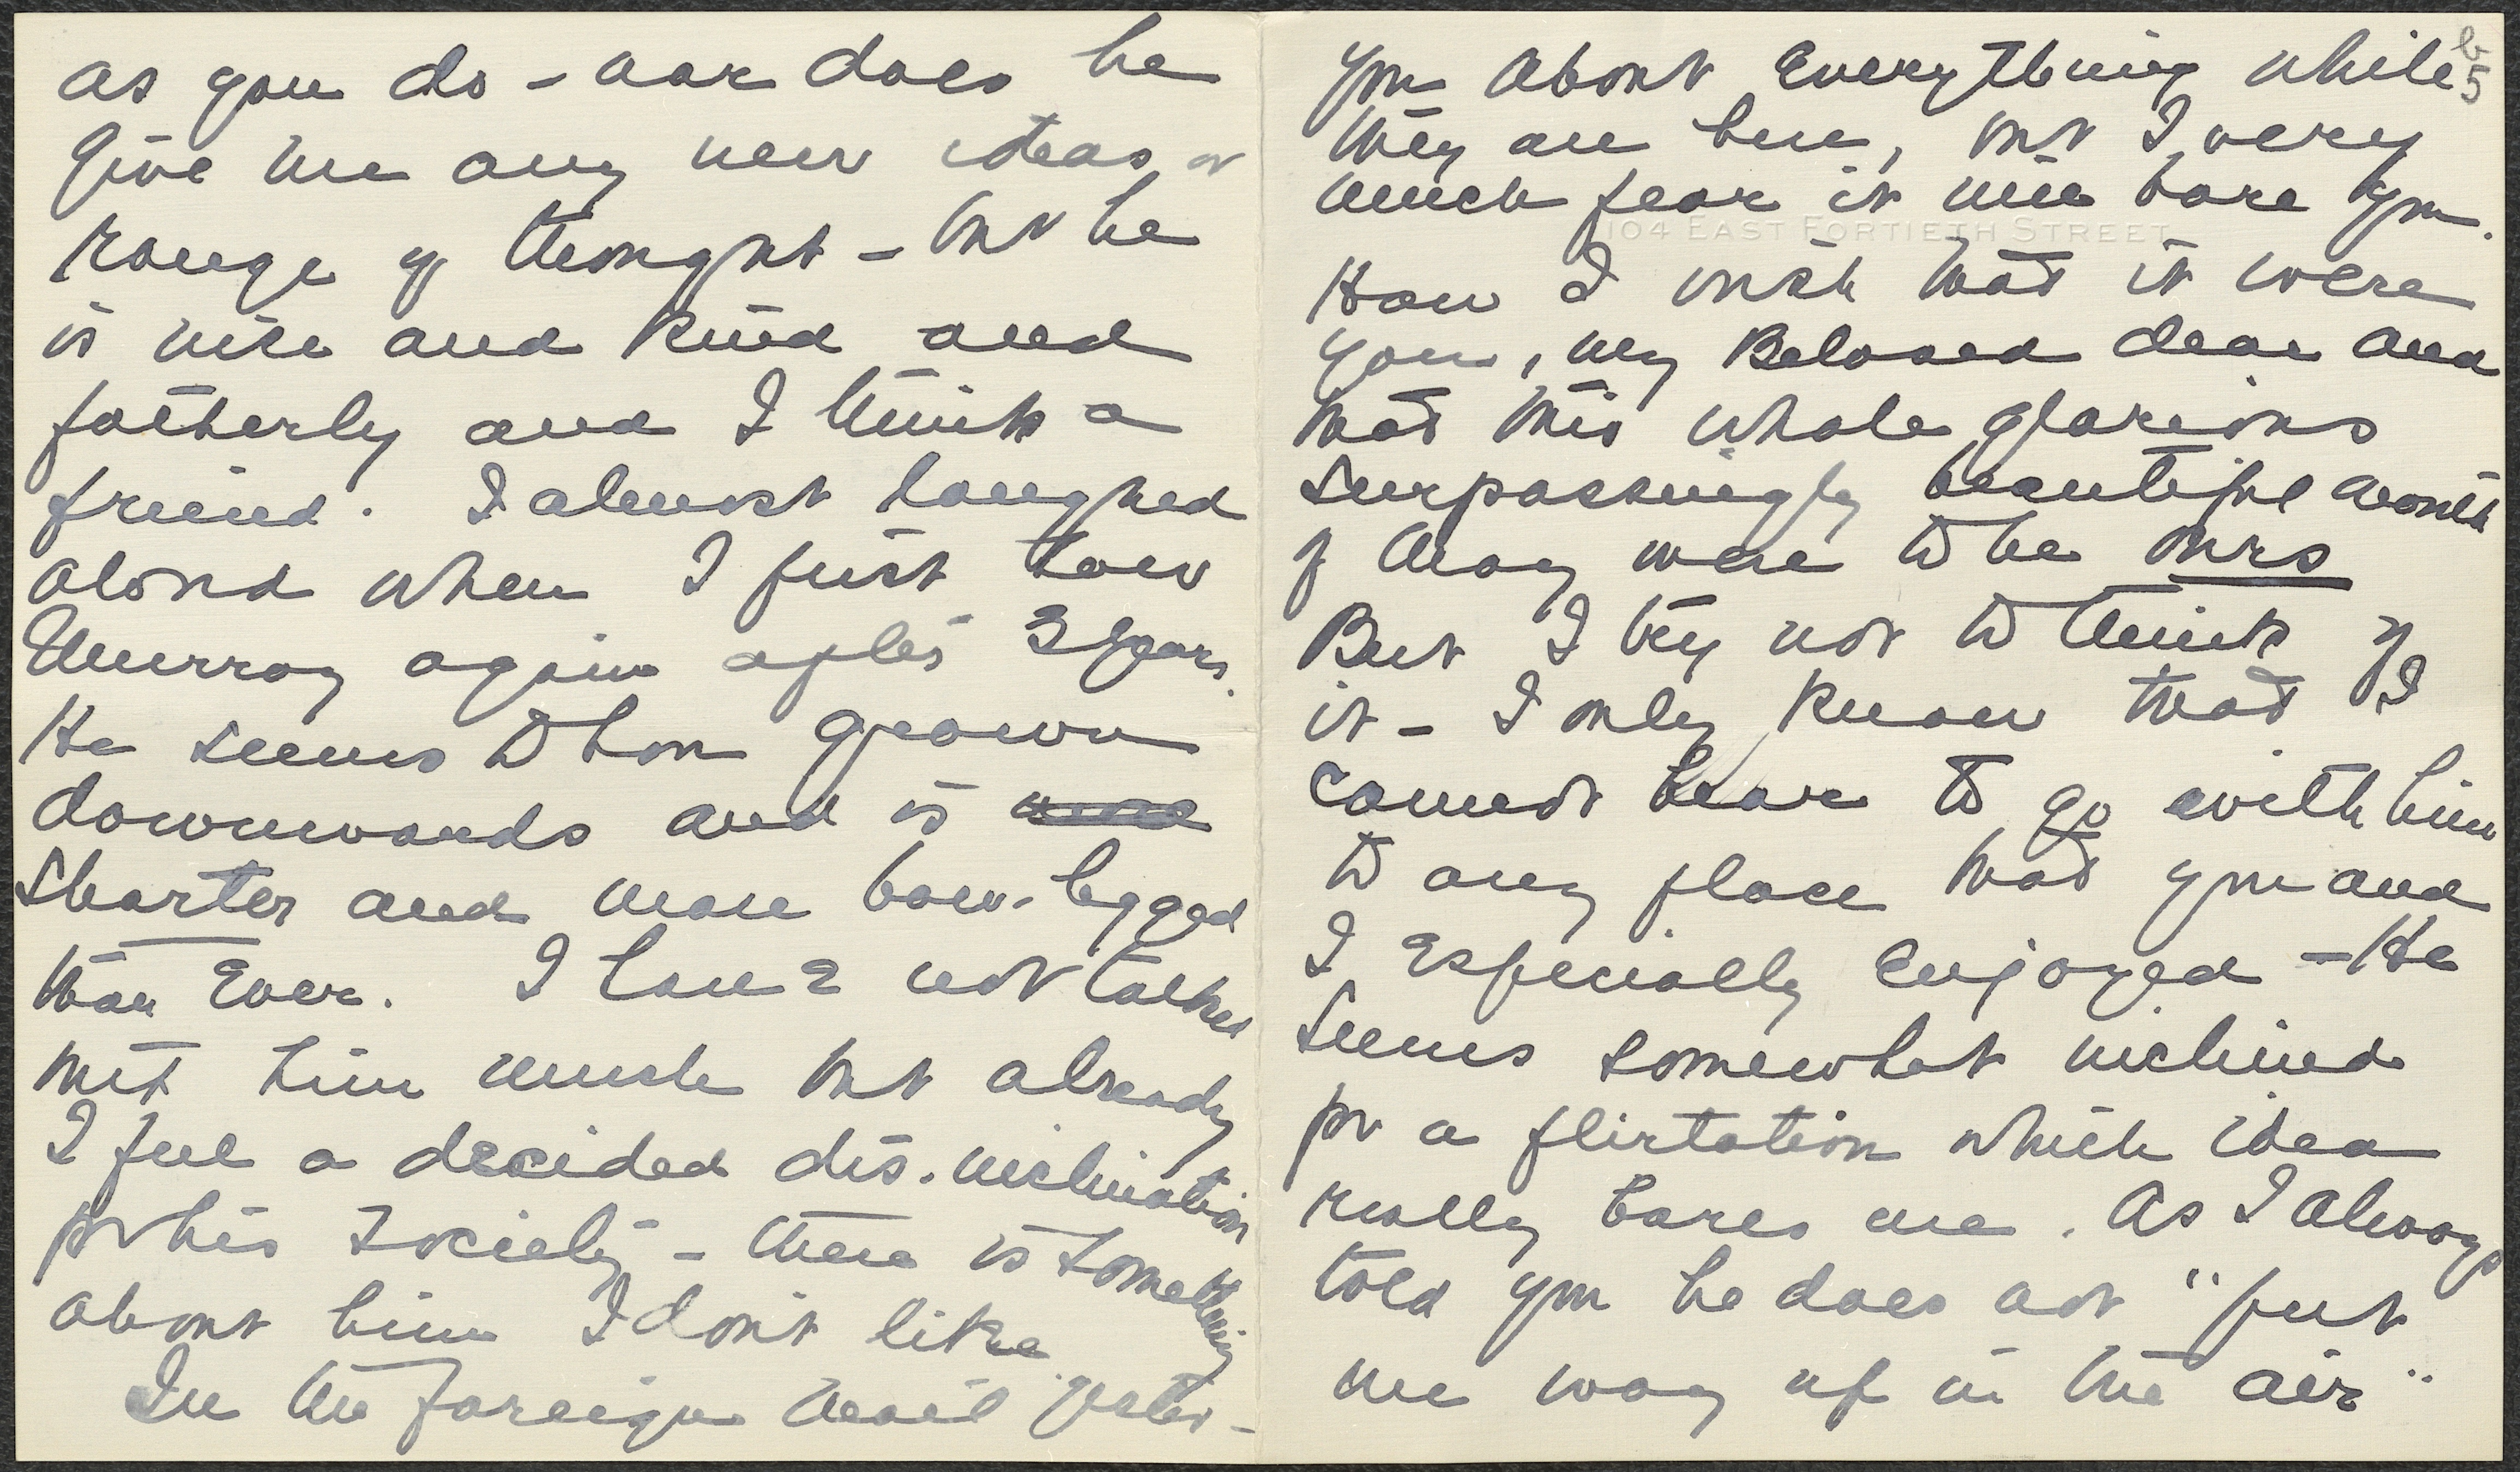you about everything while they are here, but I very much fear it will bore you. How I wish that it were you, my Beloved dear and that this whole glorious surpassingly beautiful month of May were to be ours
But I try not to think of it – I only know that I cannot bear to go with him to any place that you and I especially enjoyed – He seems somewhat inclined for a flirtation which idea really bores me. As I always told you he does not "put me way up in the air"
as you do – nor does he give me any new ideas or range of thought – but he is nice and kind and fatherly and I think a friend. I almost laughed aloud when I first saw Murray again after 3 years. He seems to have grown downwards and is more shorter and more bow-legged than ever. I have not talked with him much but already I feel a decided dis-inclination for his Society – there is something about him I don't like
In the foreign mail yesterday